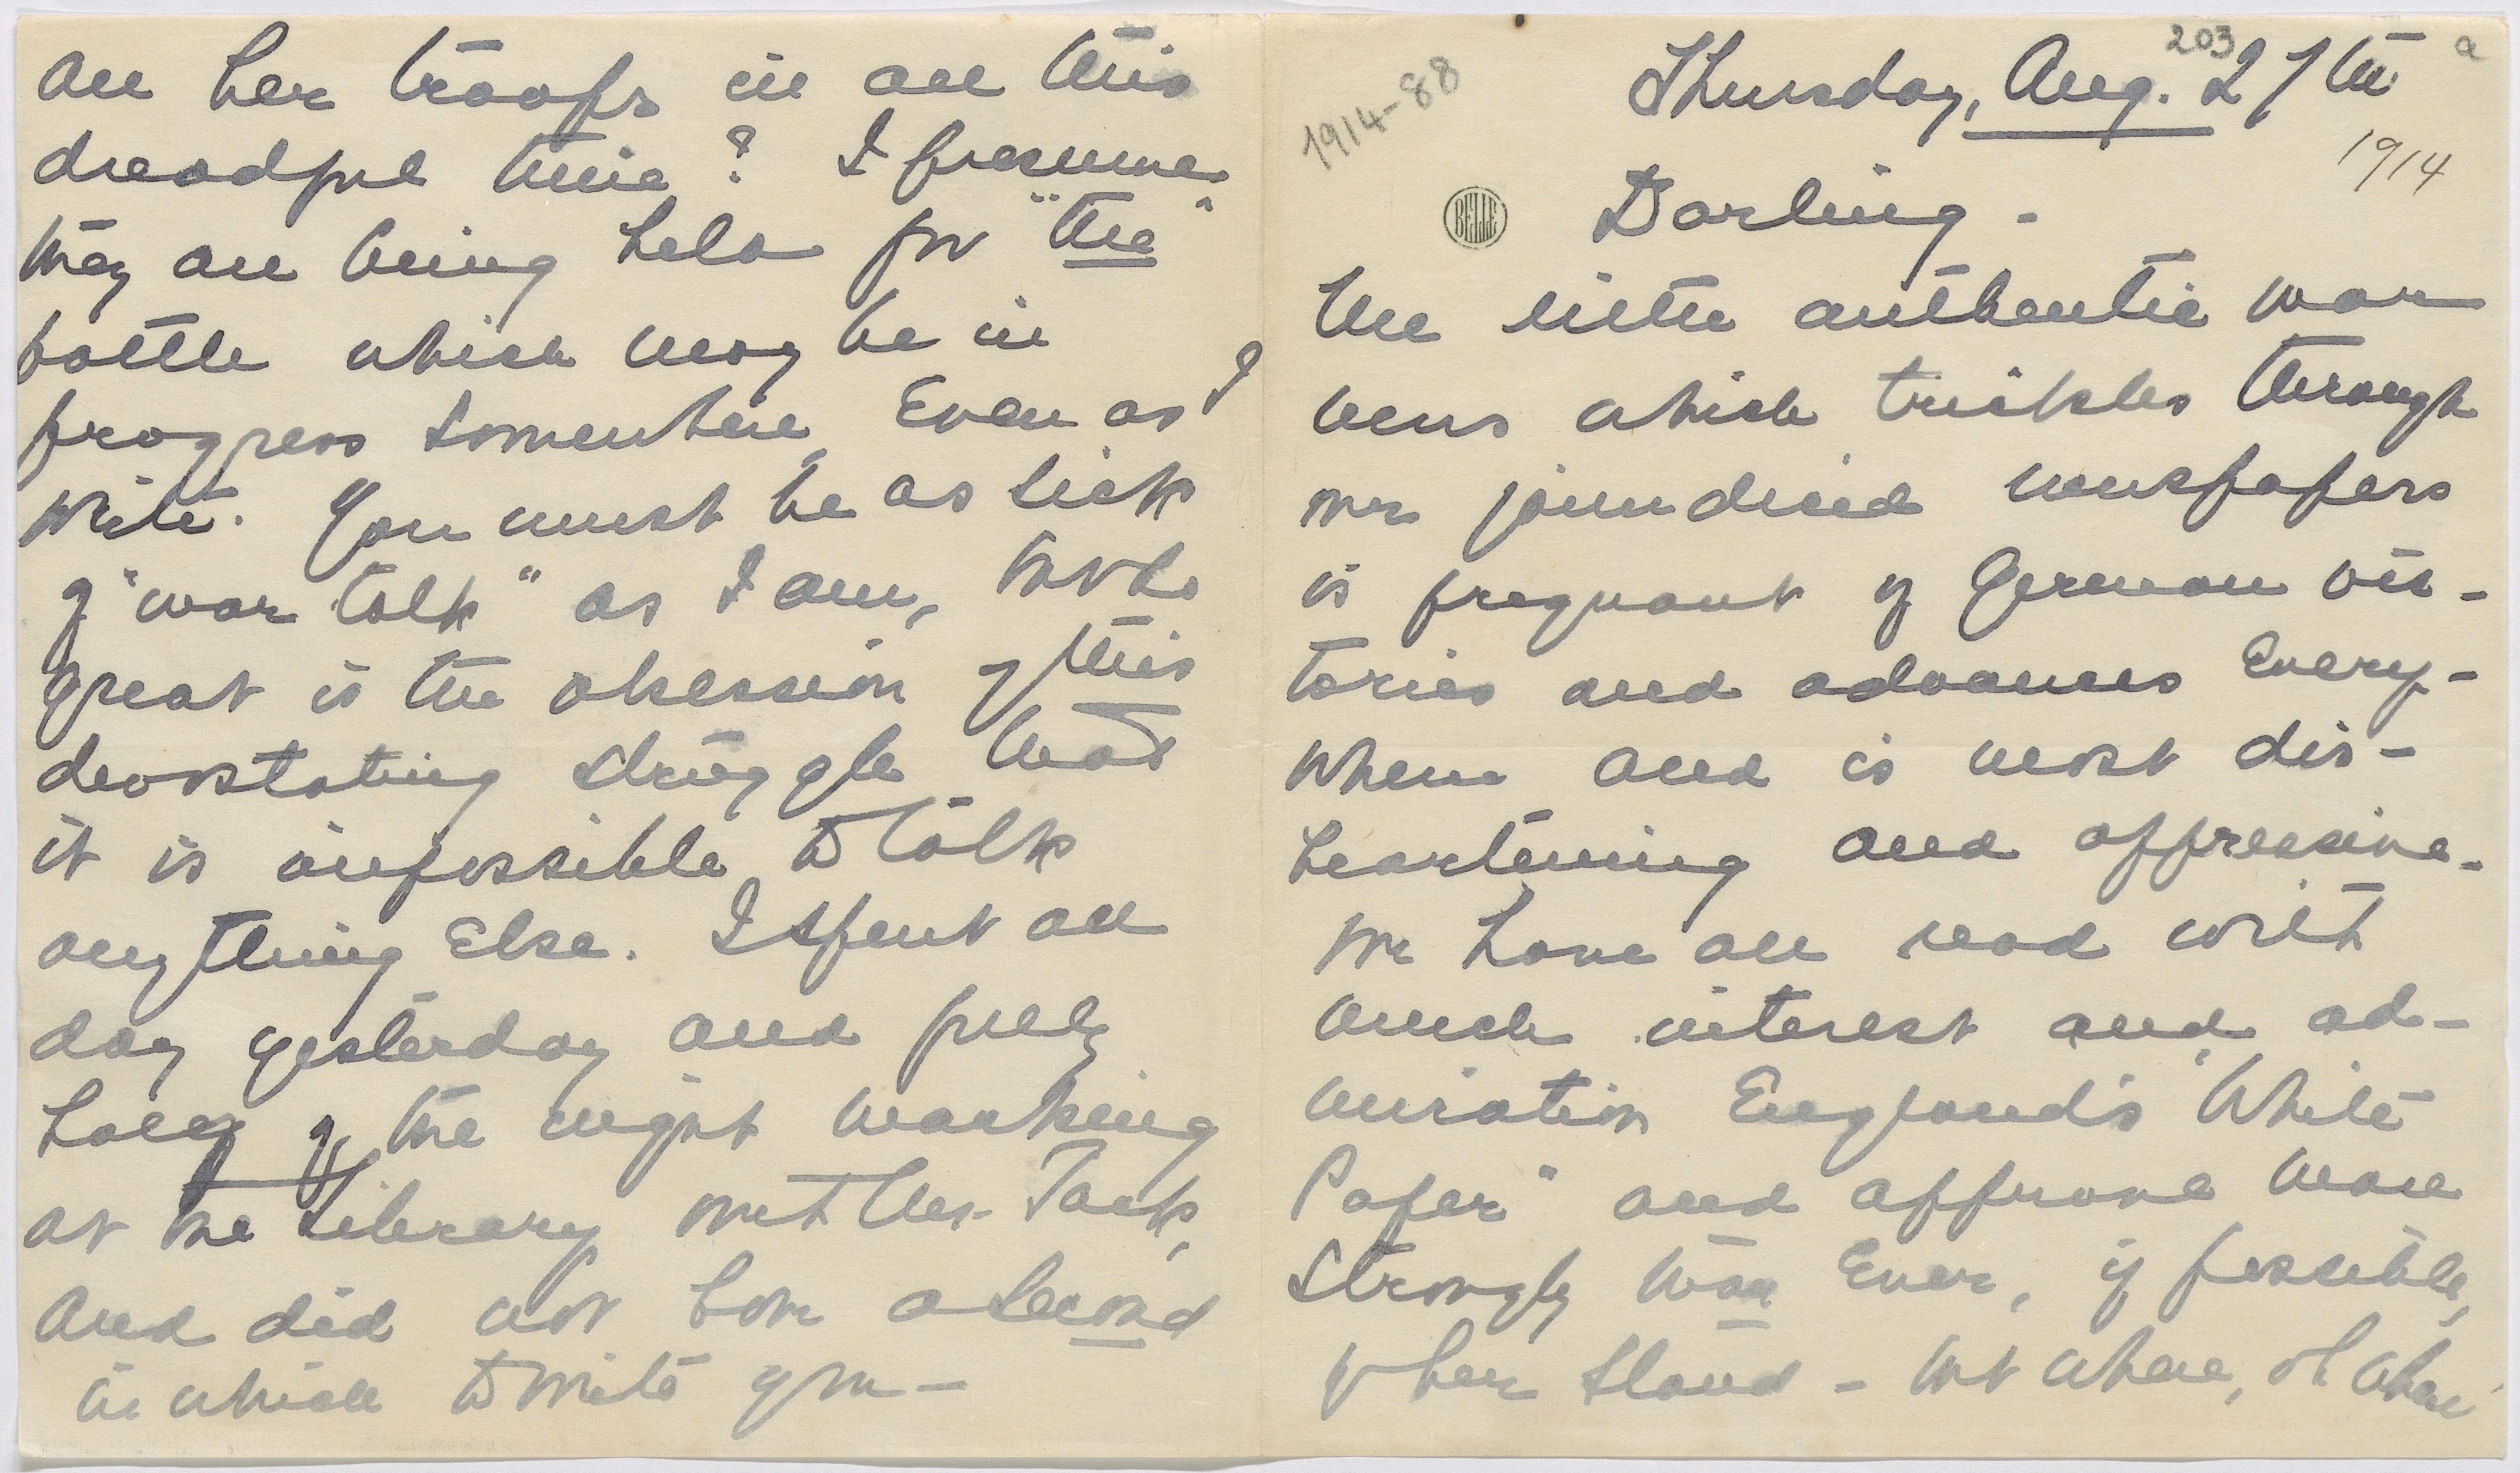Thursday, Aug. 27th
Darling –
The little authentic war news which trickles through our jaundiced newspapers is frequent of German victories and advances everywhere and is most disheartening and oppressive – we have all read with much interest and admiration England’s “White Paper” and approve more strongly than ever, if possible, of her stand – but where, oh where
are her troops in all this dreadful time? I presume they are being held for “the” battle which may be in progress somewhere even as I write. You must be as sick of “war talk” as I am, but so great is the obsession of this devastating struggle that it is impossible to talk anything else. I spent all day yesterday and fully half of the night working at the Library with Mr. Jack, and did not have a second in which to write you –